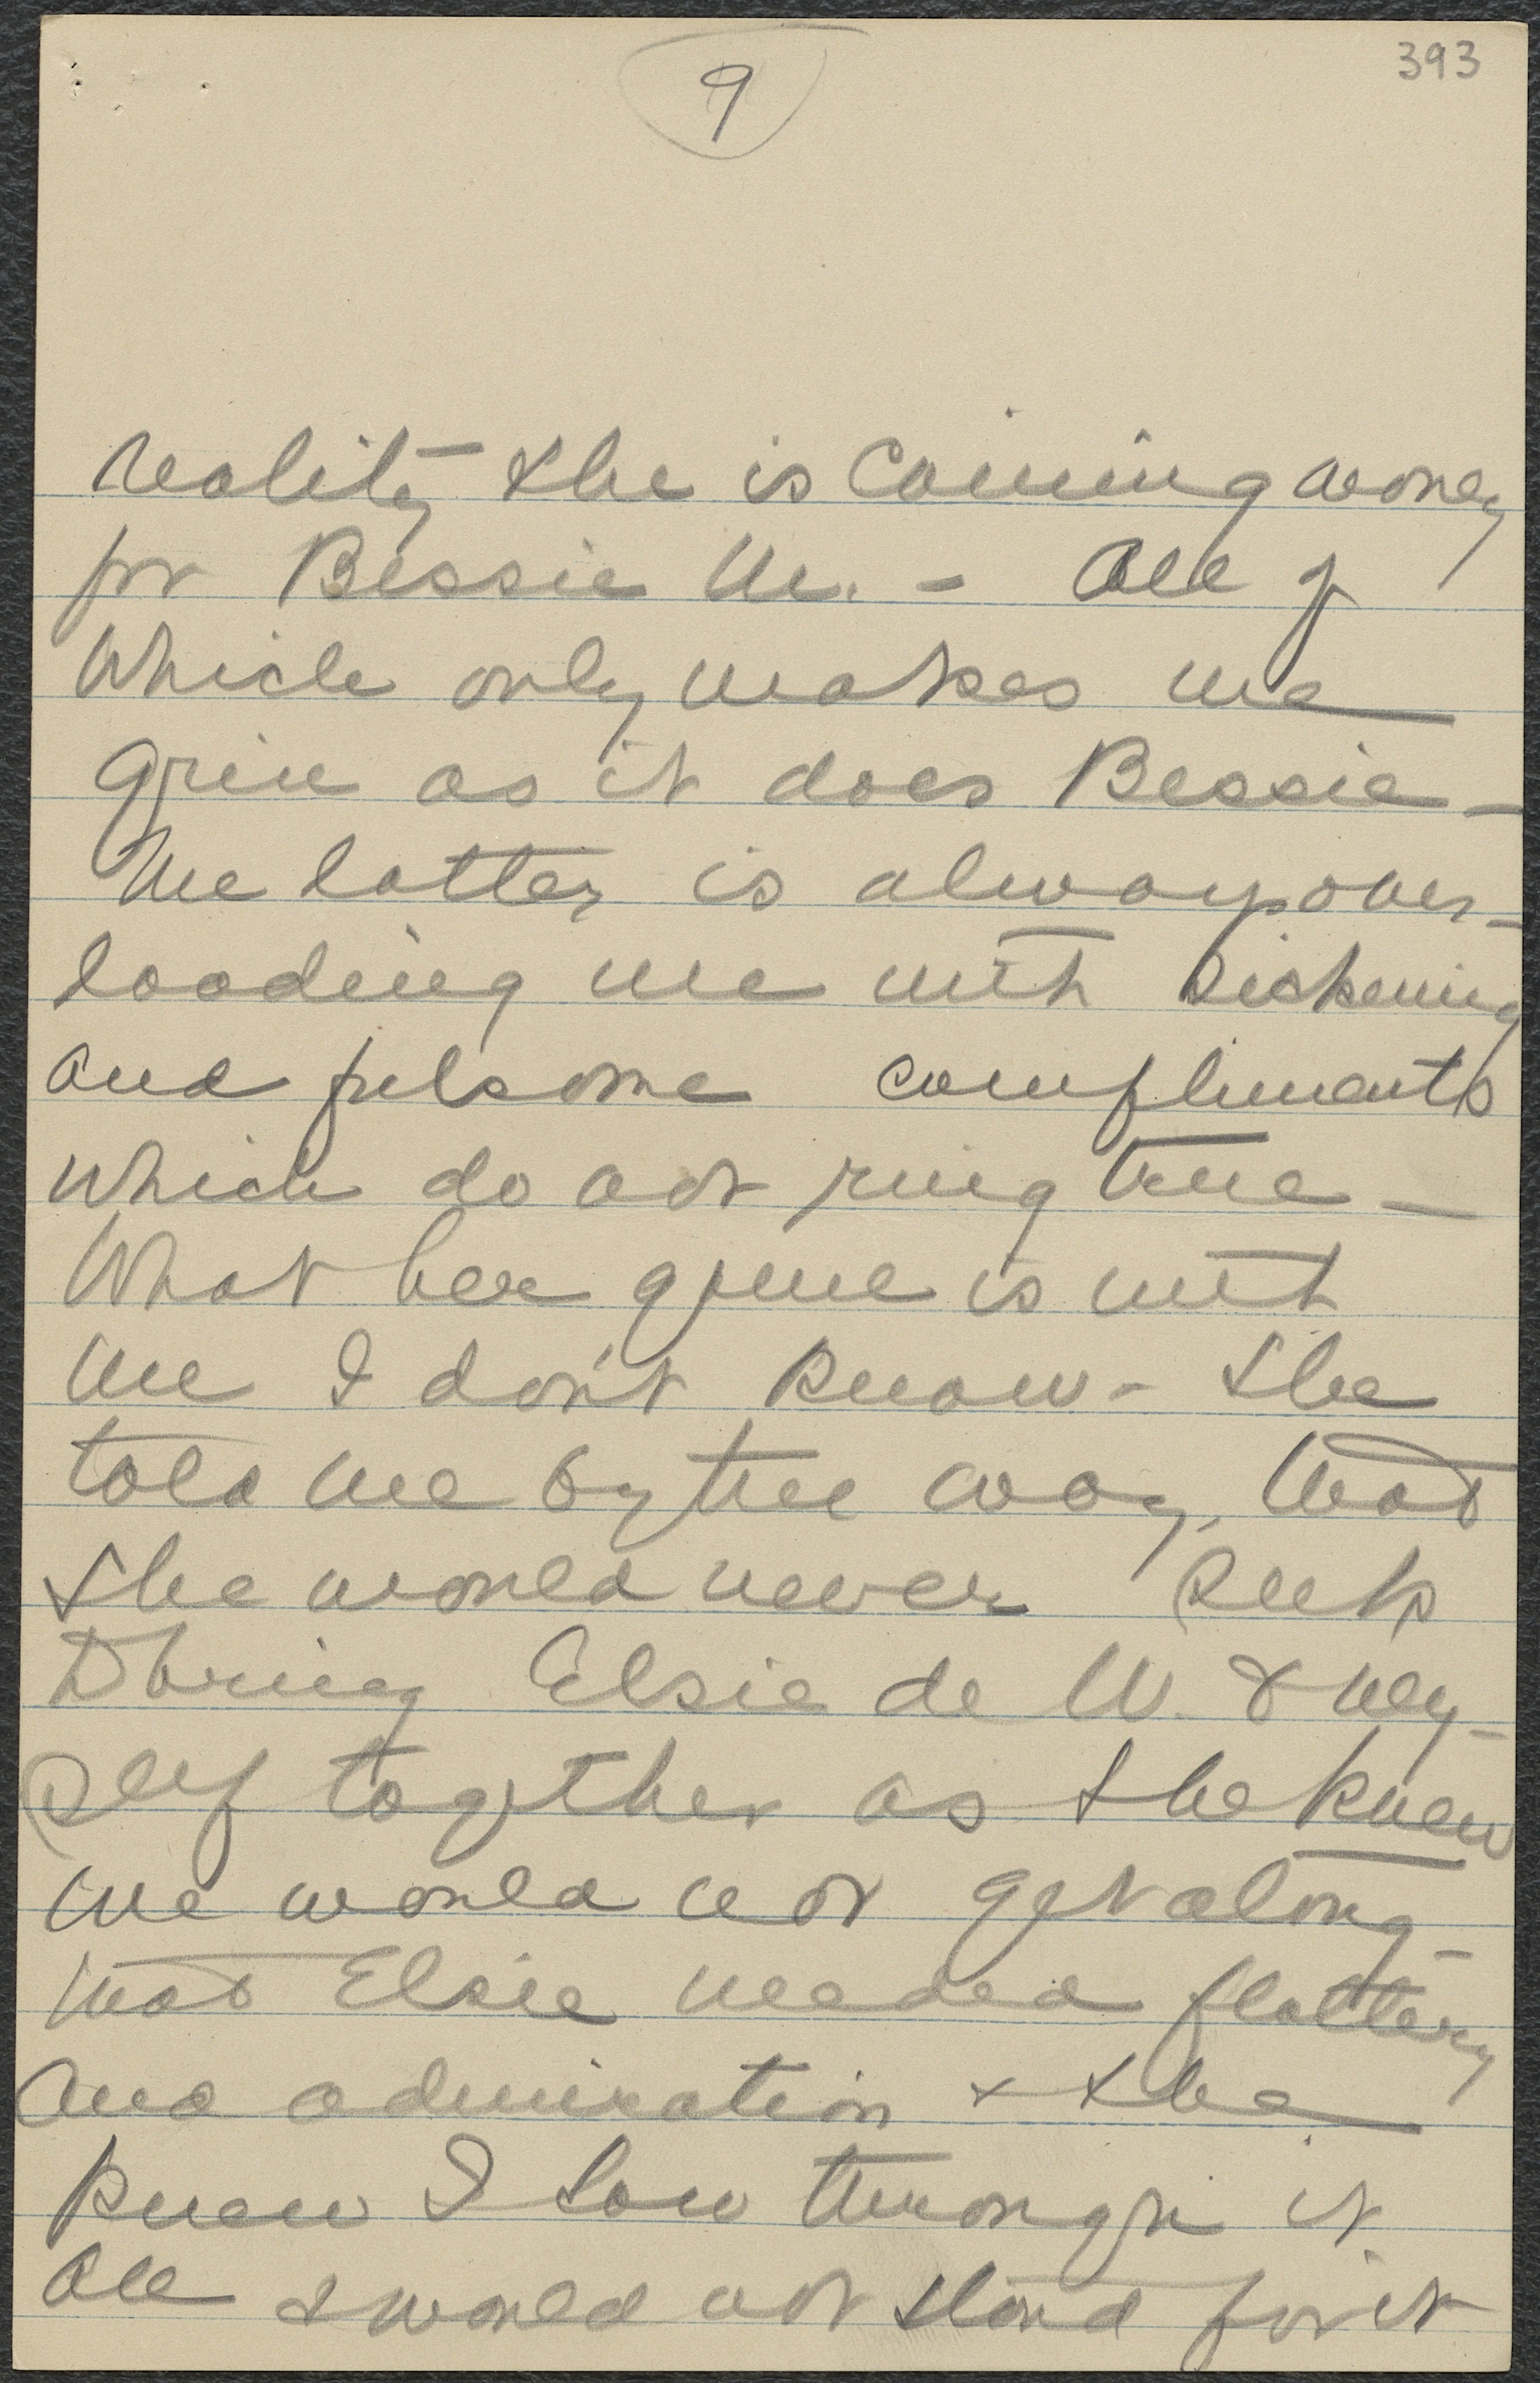reality – she is coining money for Bessie M. – All of which only makes me grin as it does Bessie – the latter is always overloading me with sickening and fulsome compliments which do not ring true – What her game is with me I don’t know. She told me by the way, that she would never seek to bring Elsie de W. & myself together as she knew we would not get along – that Elsie needed flattering and admiration & she knew I saw through it all & would not stand for it